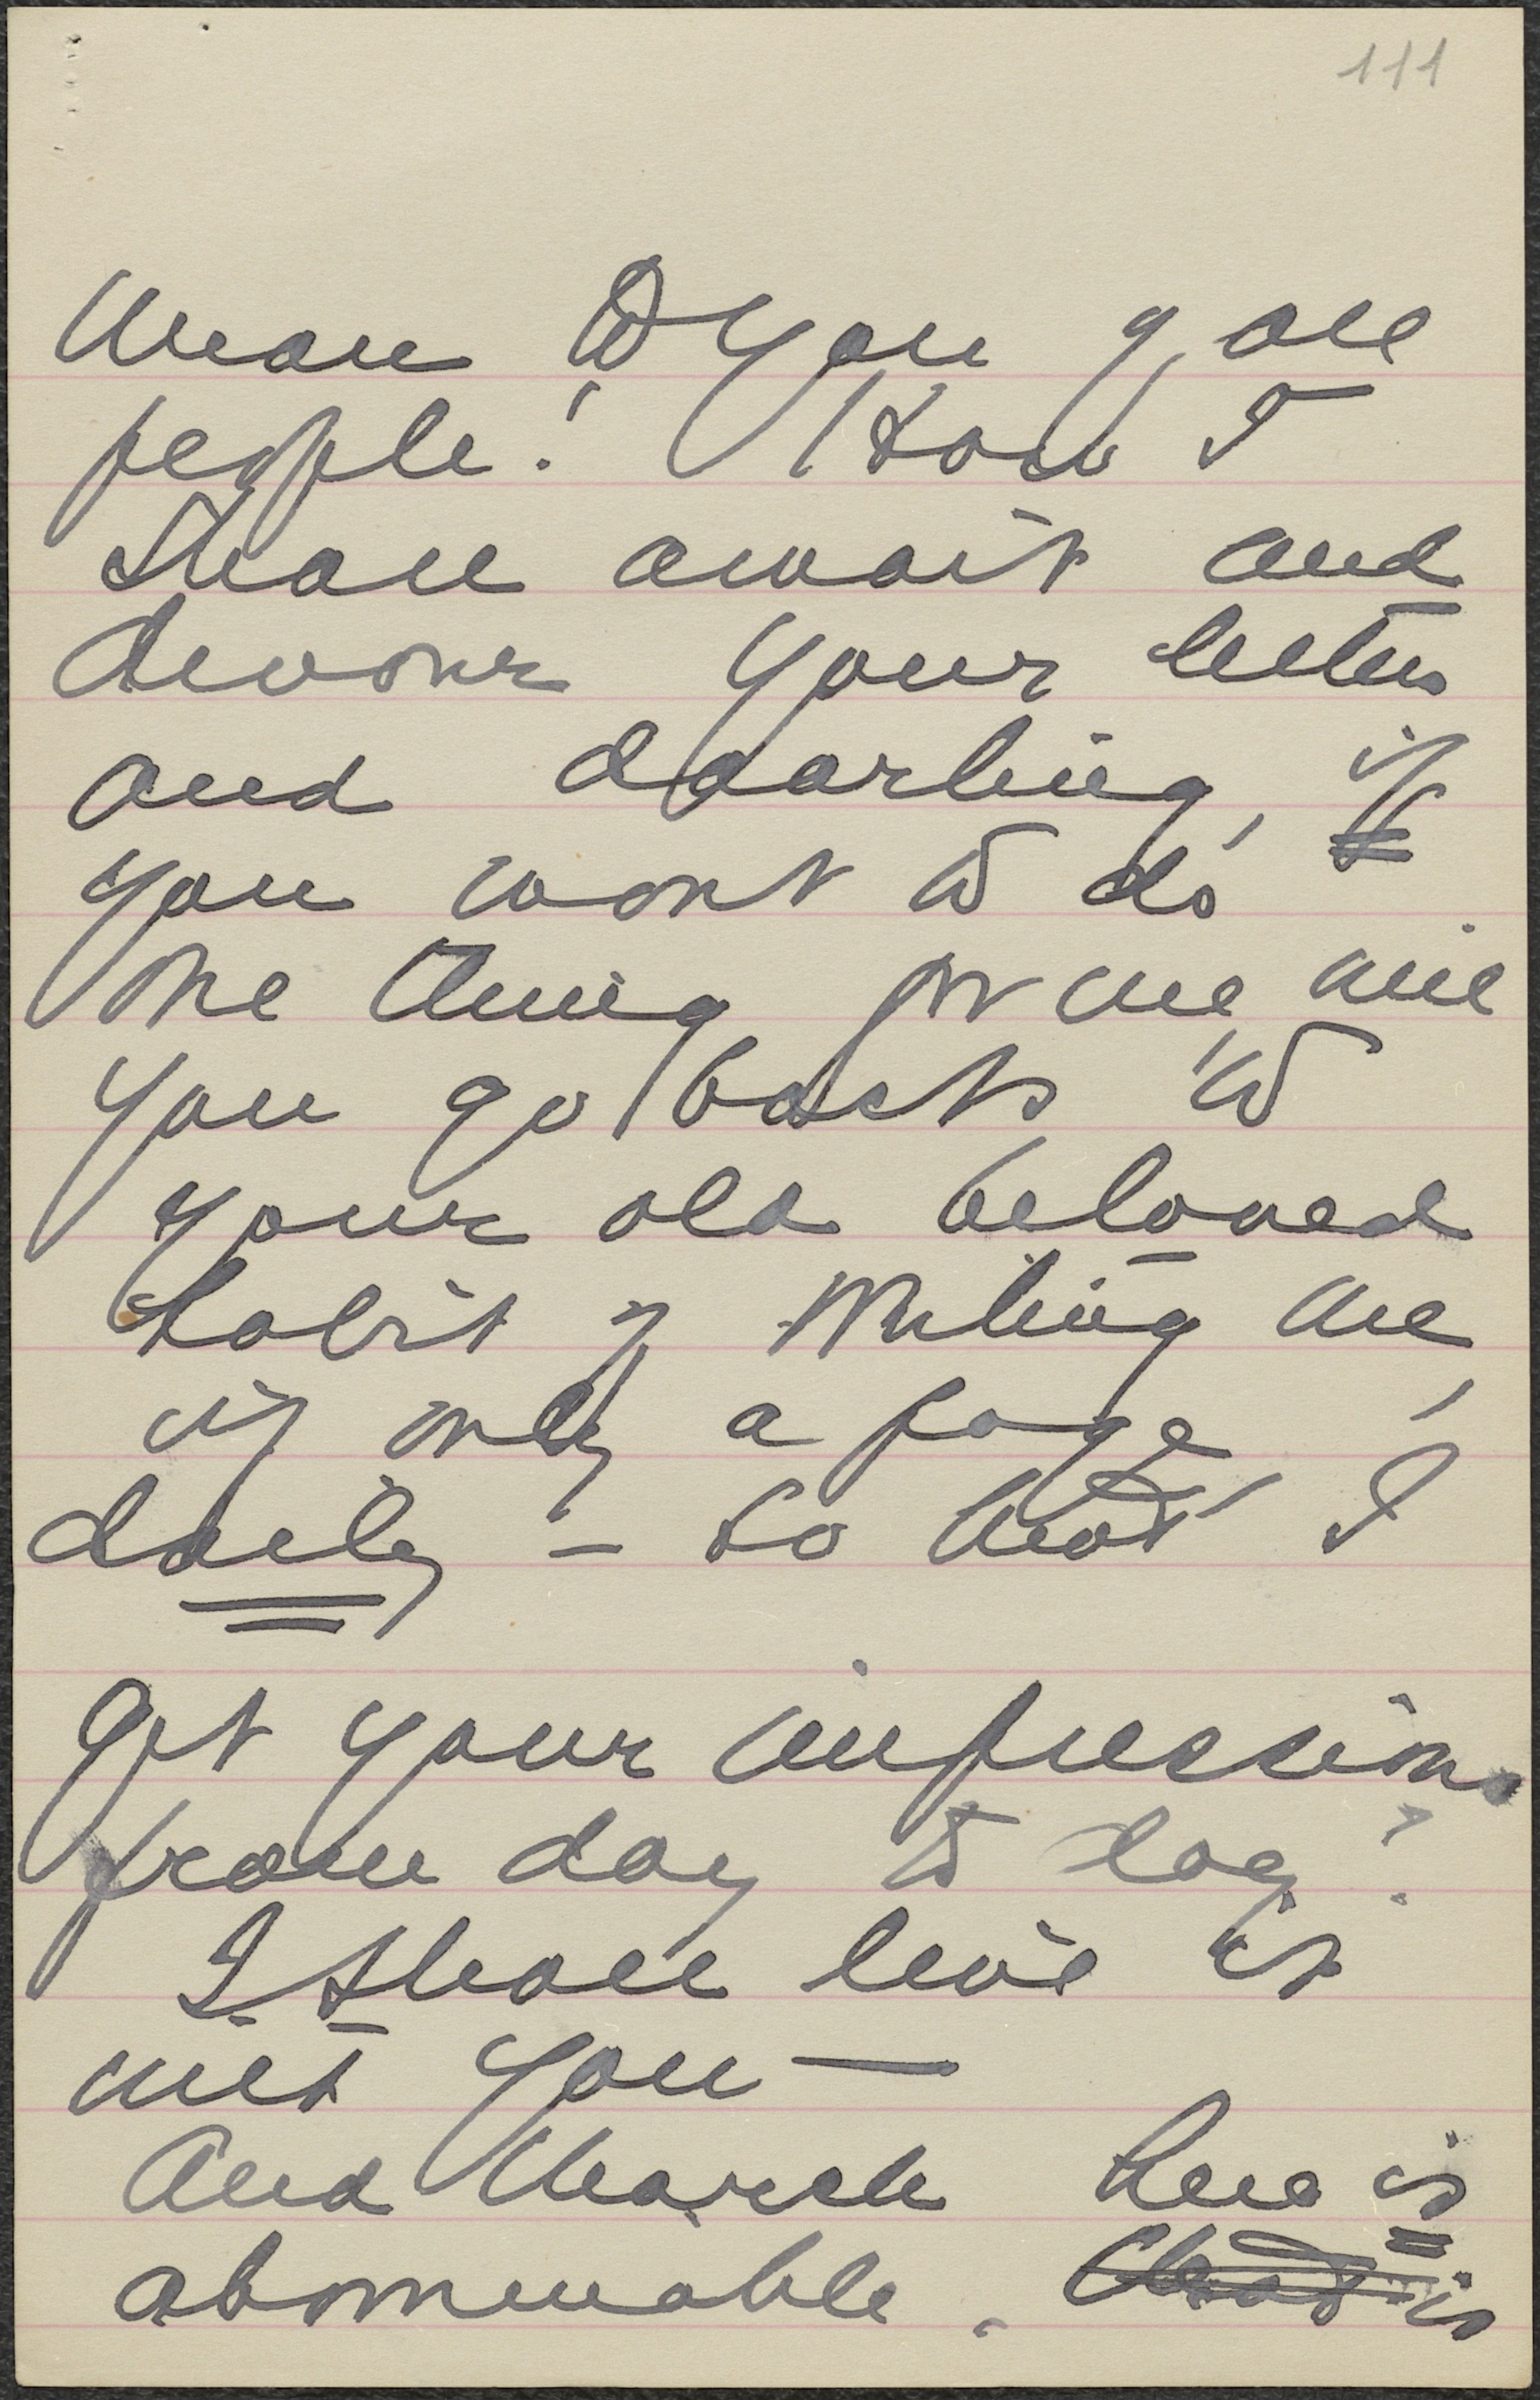mean to you of all people! How I shall await and devour your letters and darling, [double underlined: if] you want to do one thing for me will you go back to your old beloved habit of writing me, if only a page, [double underlined: daily] – so that I
get your impressions from day to day? I shall live it with you –
and March here [double underlined: is] abominable. that is